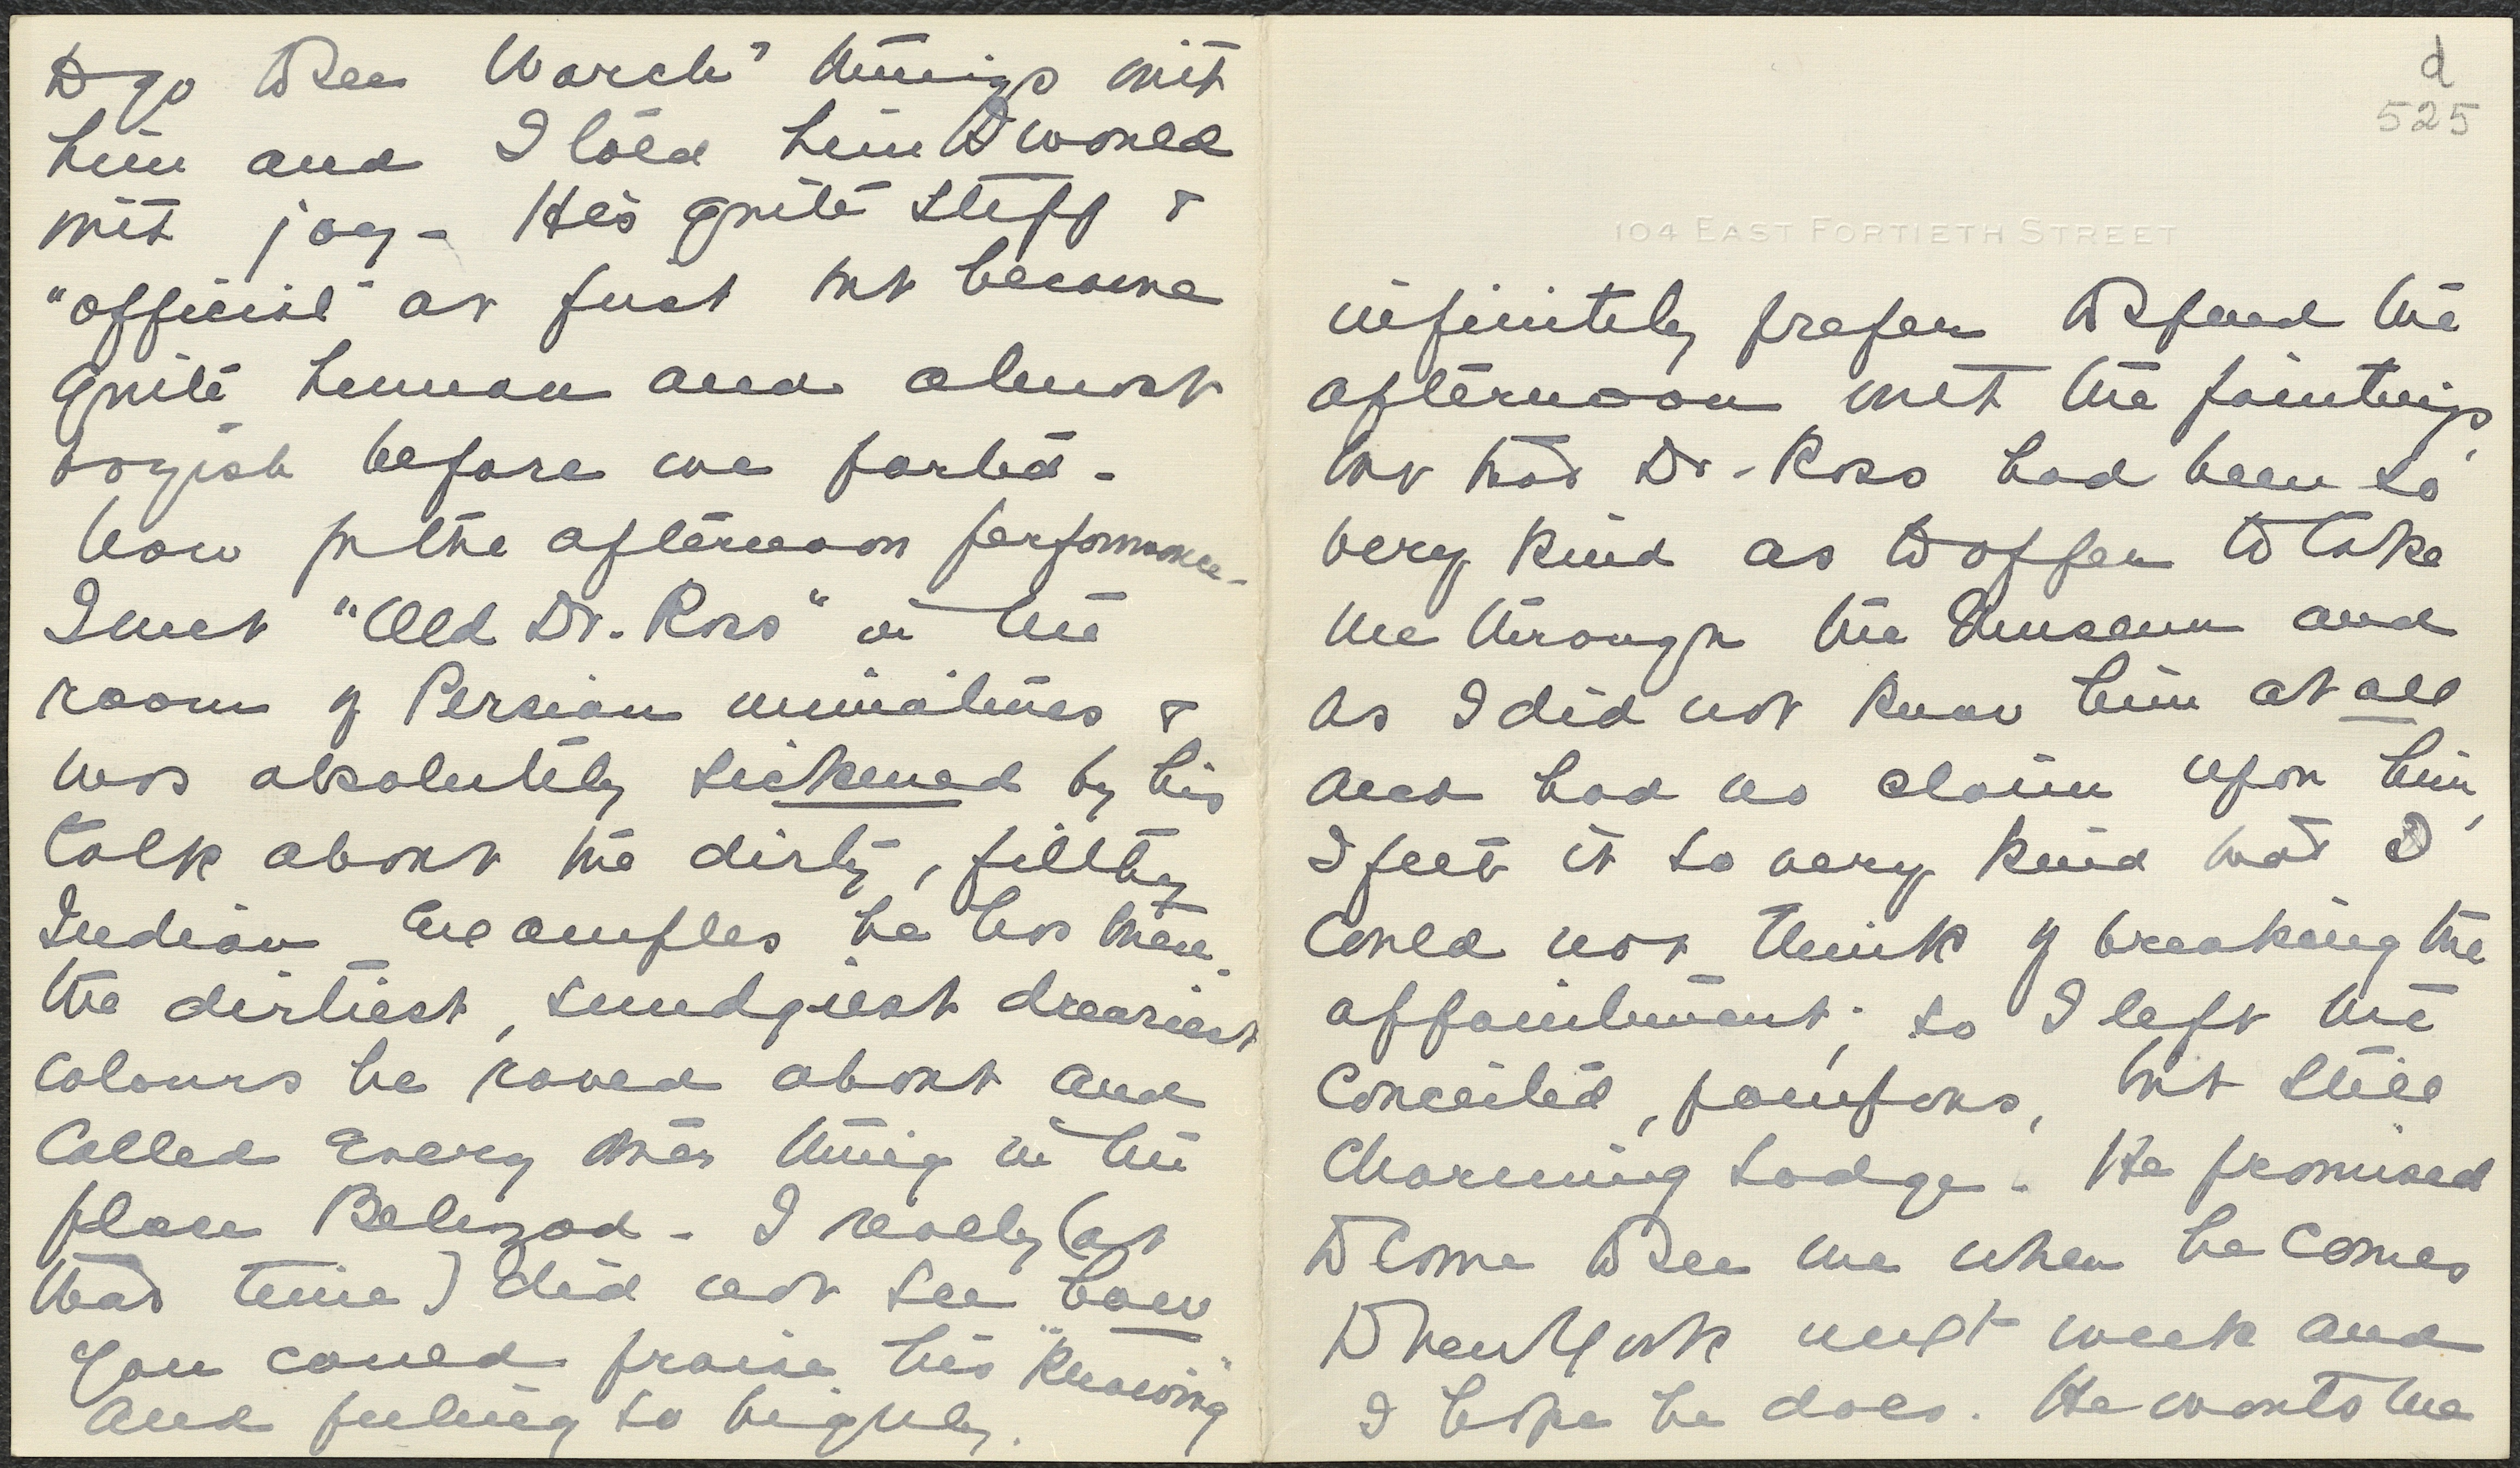infinitely prefer to spend the afternoon with the paintings, but that Dr. Ross had been so very kind as to offer to take me through the Museum and as I did not know him at all and had no claim upon him, I felt it so very kind that I could not think of breaking the appointment; so I left the conceited, pompous, but still charming Lodge. He promised to come to see me when he comes to New York next week and I hope he does. He wants me
to go to see Worch things with him and I told him I would with joy – He’s quite stiff & “official” at first but became quite human and almost boyish before we parted – Now for the afternoon performance – I met “Old Dr. Ross” in the room of Persian miniatures & was absolutely sickened by his talk about the dirty, filthy Indian examples he has there. The dirtiest, smudgiest dreariest colours he raved about and called every other thing in the place Belizod – I really (at that time) did not see how you could praise his “knowing” and feeling so highly